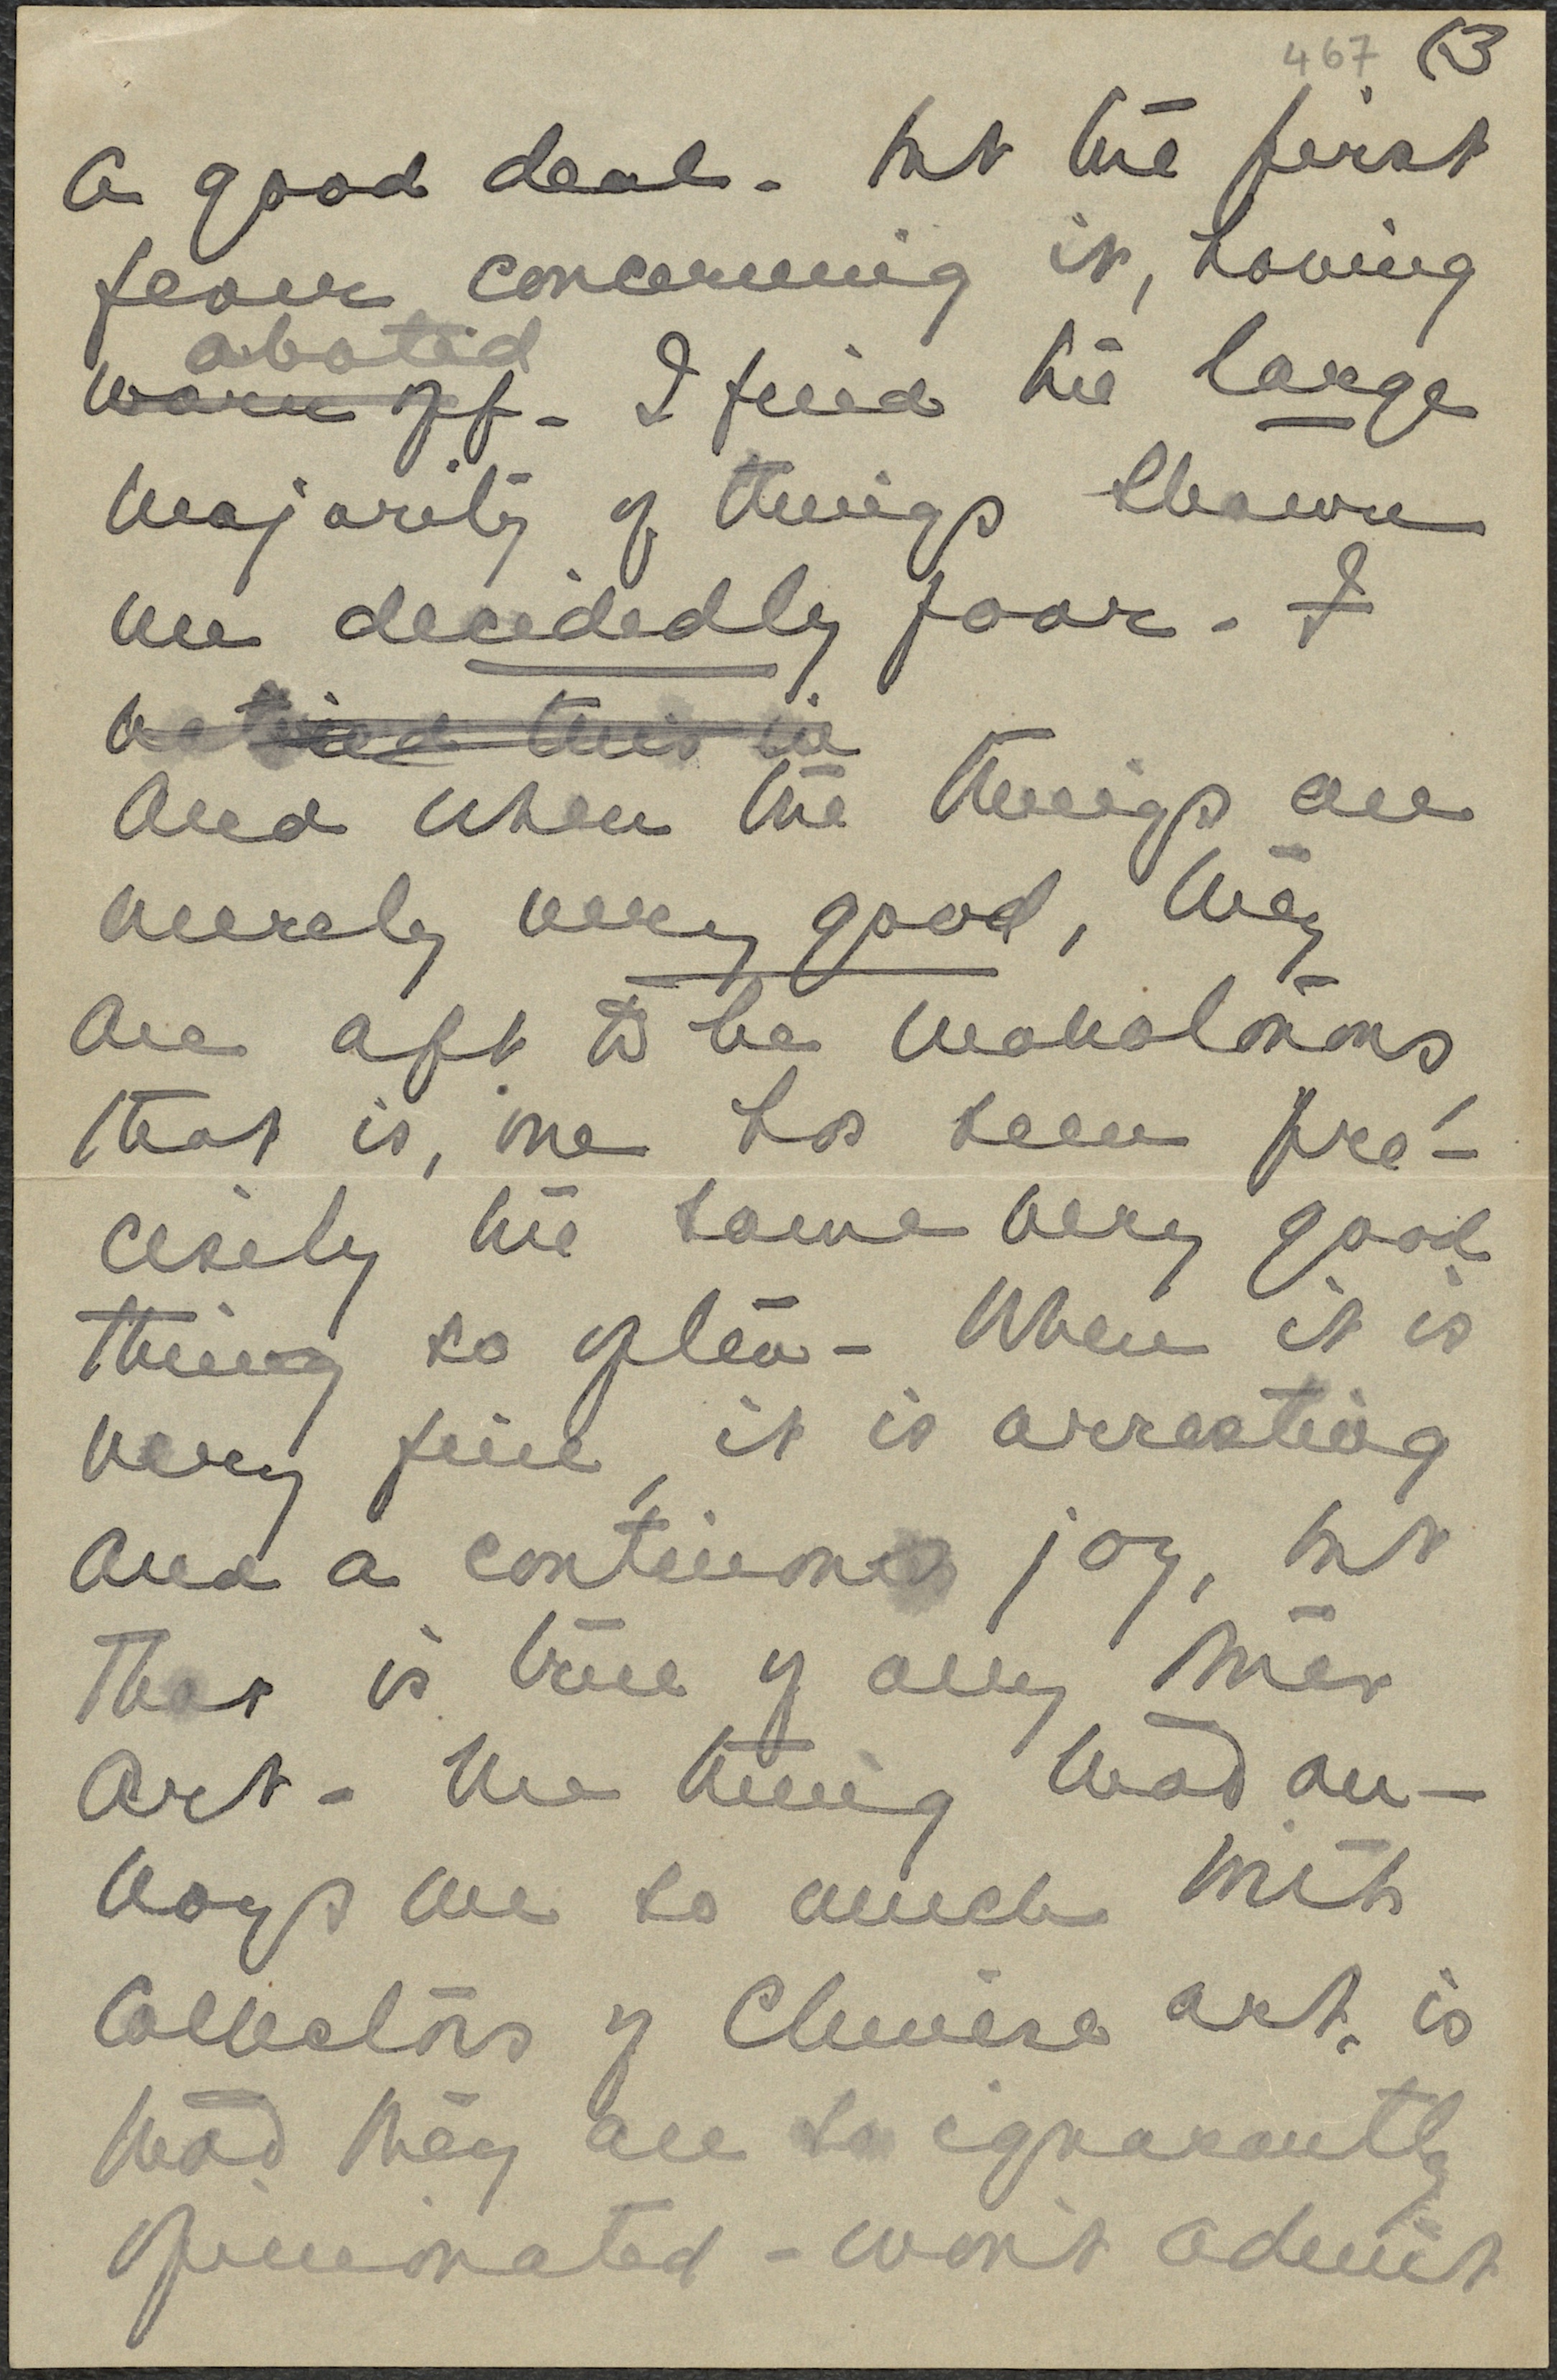a good deal. but the first fear concerning it, having [^abated^] worn off – I find the large majority of things shown me decidedly poor – I noticed this in
and when the things are merely very good, they are oft to be monotonous, that is, one has seen precisely the same very good thing so often – when it is very fine, it is arresting and a continuous joy, but that is true of any other art – the thing that annoys me so much with collectors of Chinese art is that they are all so ignorantly opinionated – won’t admit